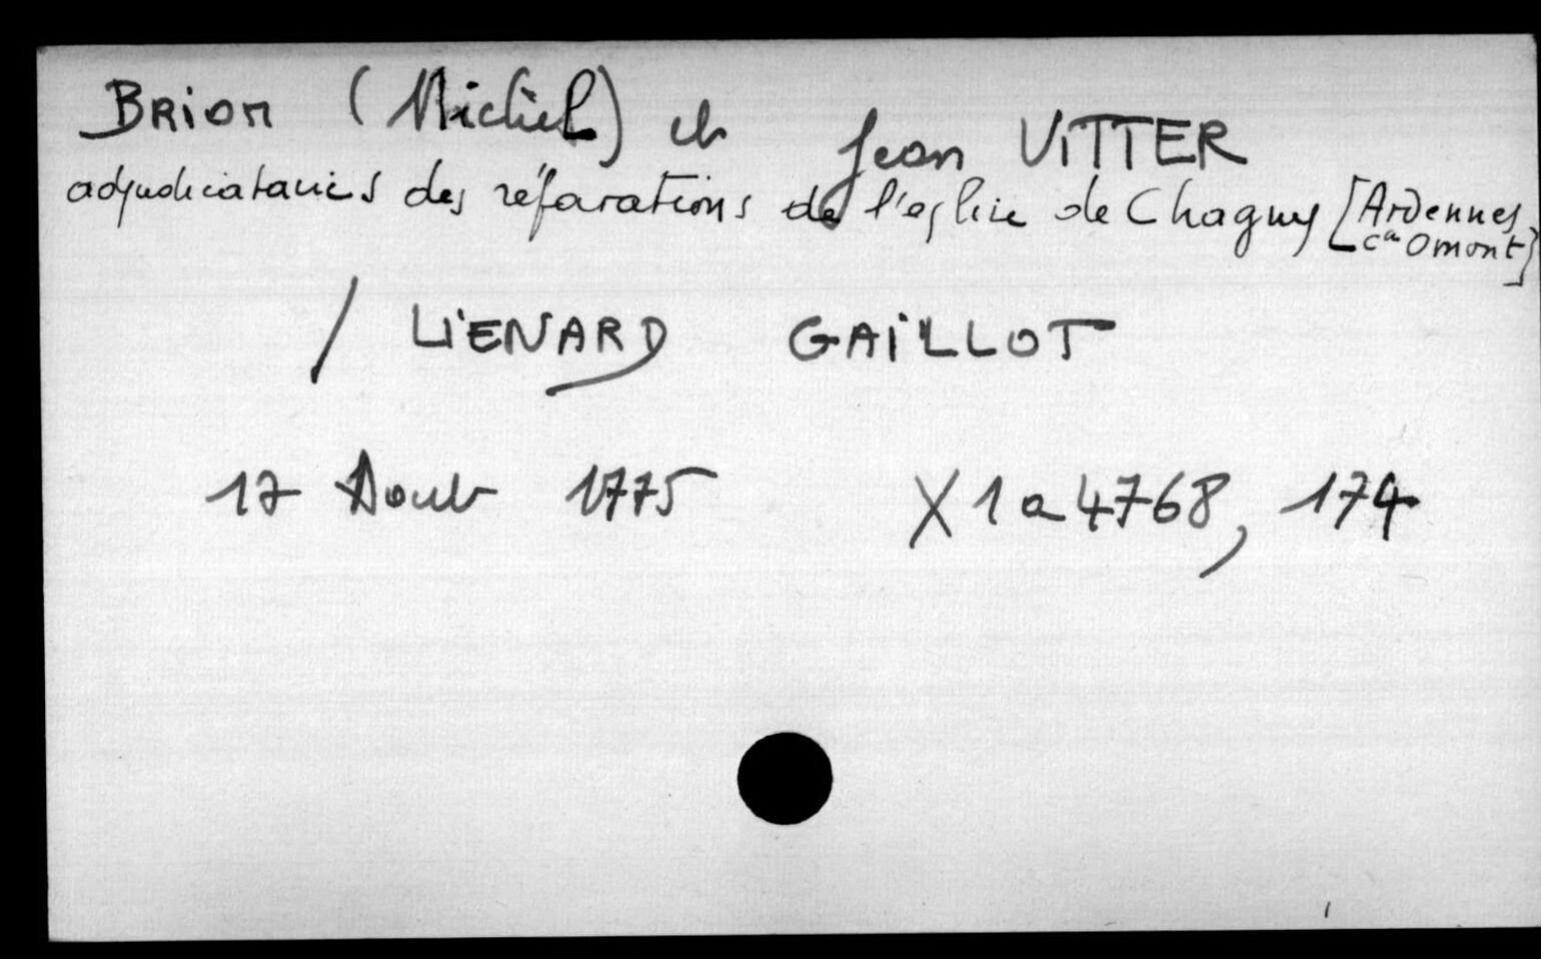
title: BRION (Michel) et Jean VITTER adjudicataires des réparations de l'église de Chagny [ardennes, commune Omont]
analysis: Contre LIENARD GAILLOT
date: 17 août 1775
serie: X1a
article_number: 4768
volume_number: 174
